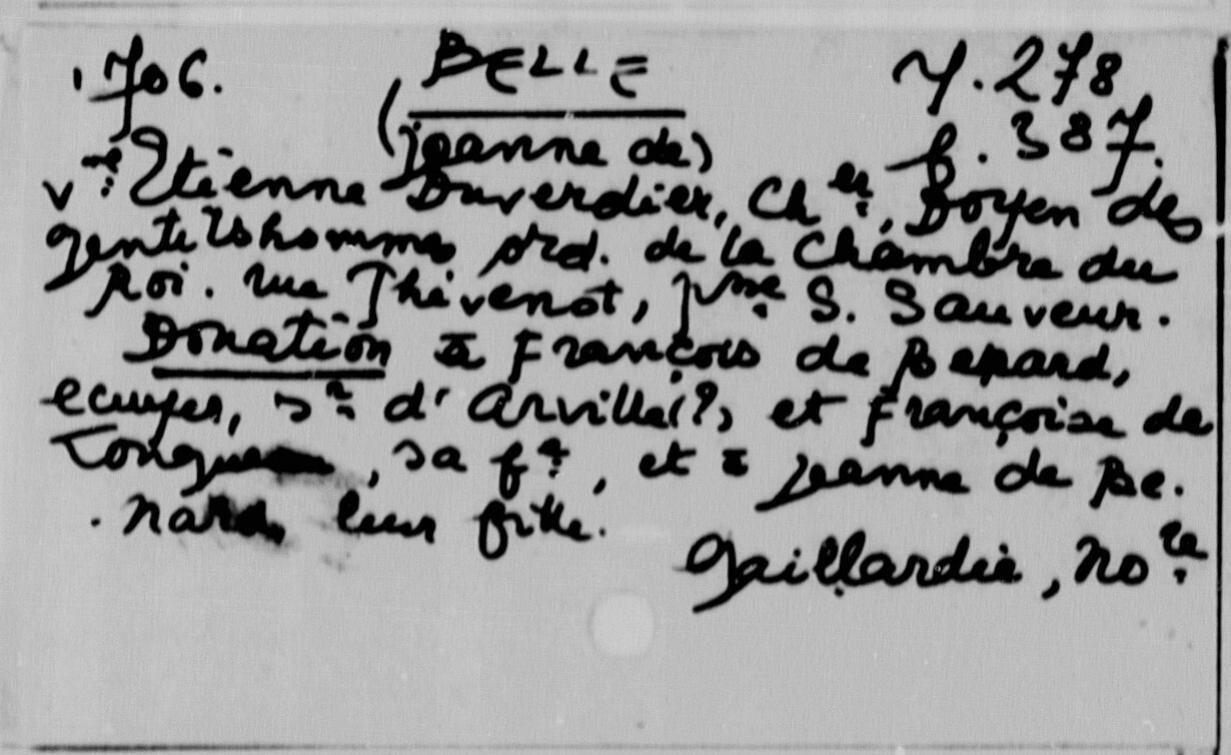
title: BELLE (Jeanne de)
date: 1706
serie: Y
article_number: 278
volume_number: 387
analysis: Veuve Etienne DUVERDIER, chevalier Doyen des gentilshommes ordinaires de la Chambre du Roi, rue Thévenot, paroisse Saint-Sauveur. Donation à François de Benard, écuyer, seigneur d'Arviller (?) et Françoise de Longues, sa femme, et à Jeanne de Benard leur fille. Gaillardie, notaire.
